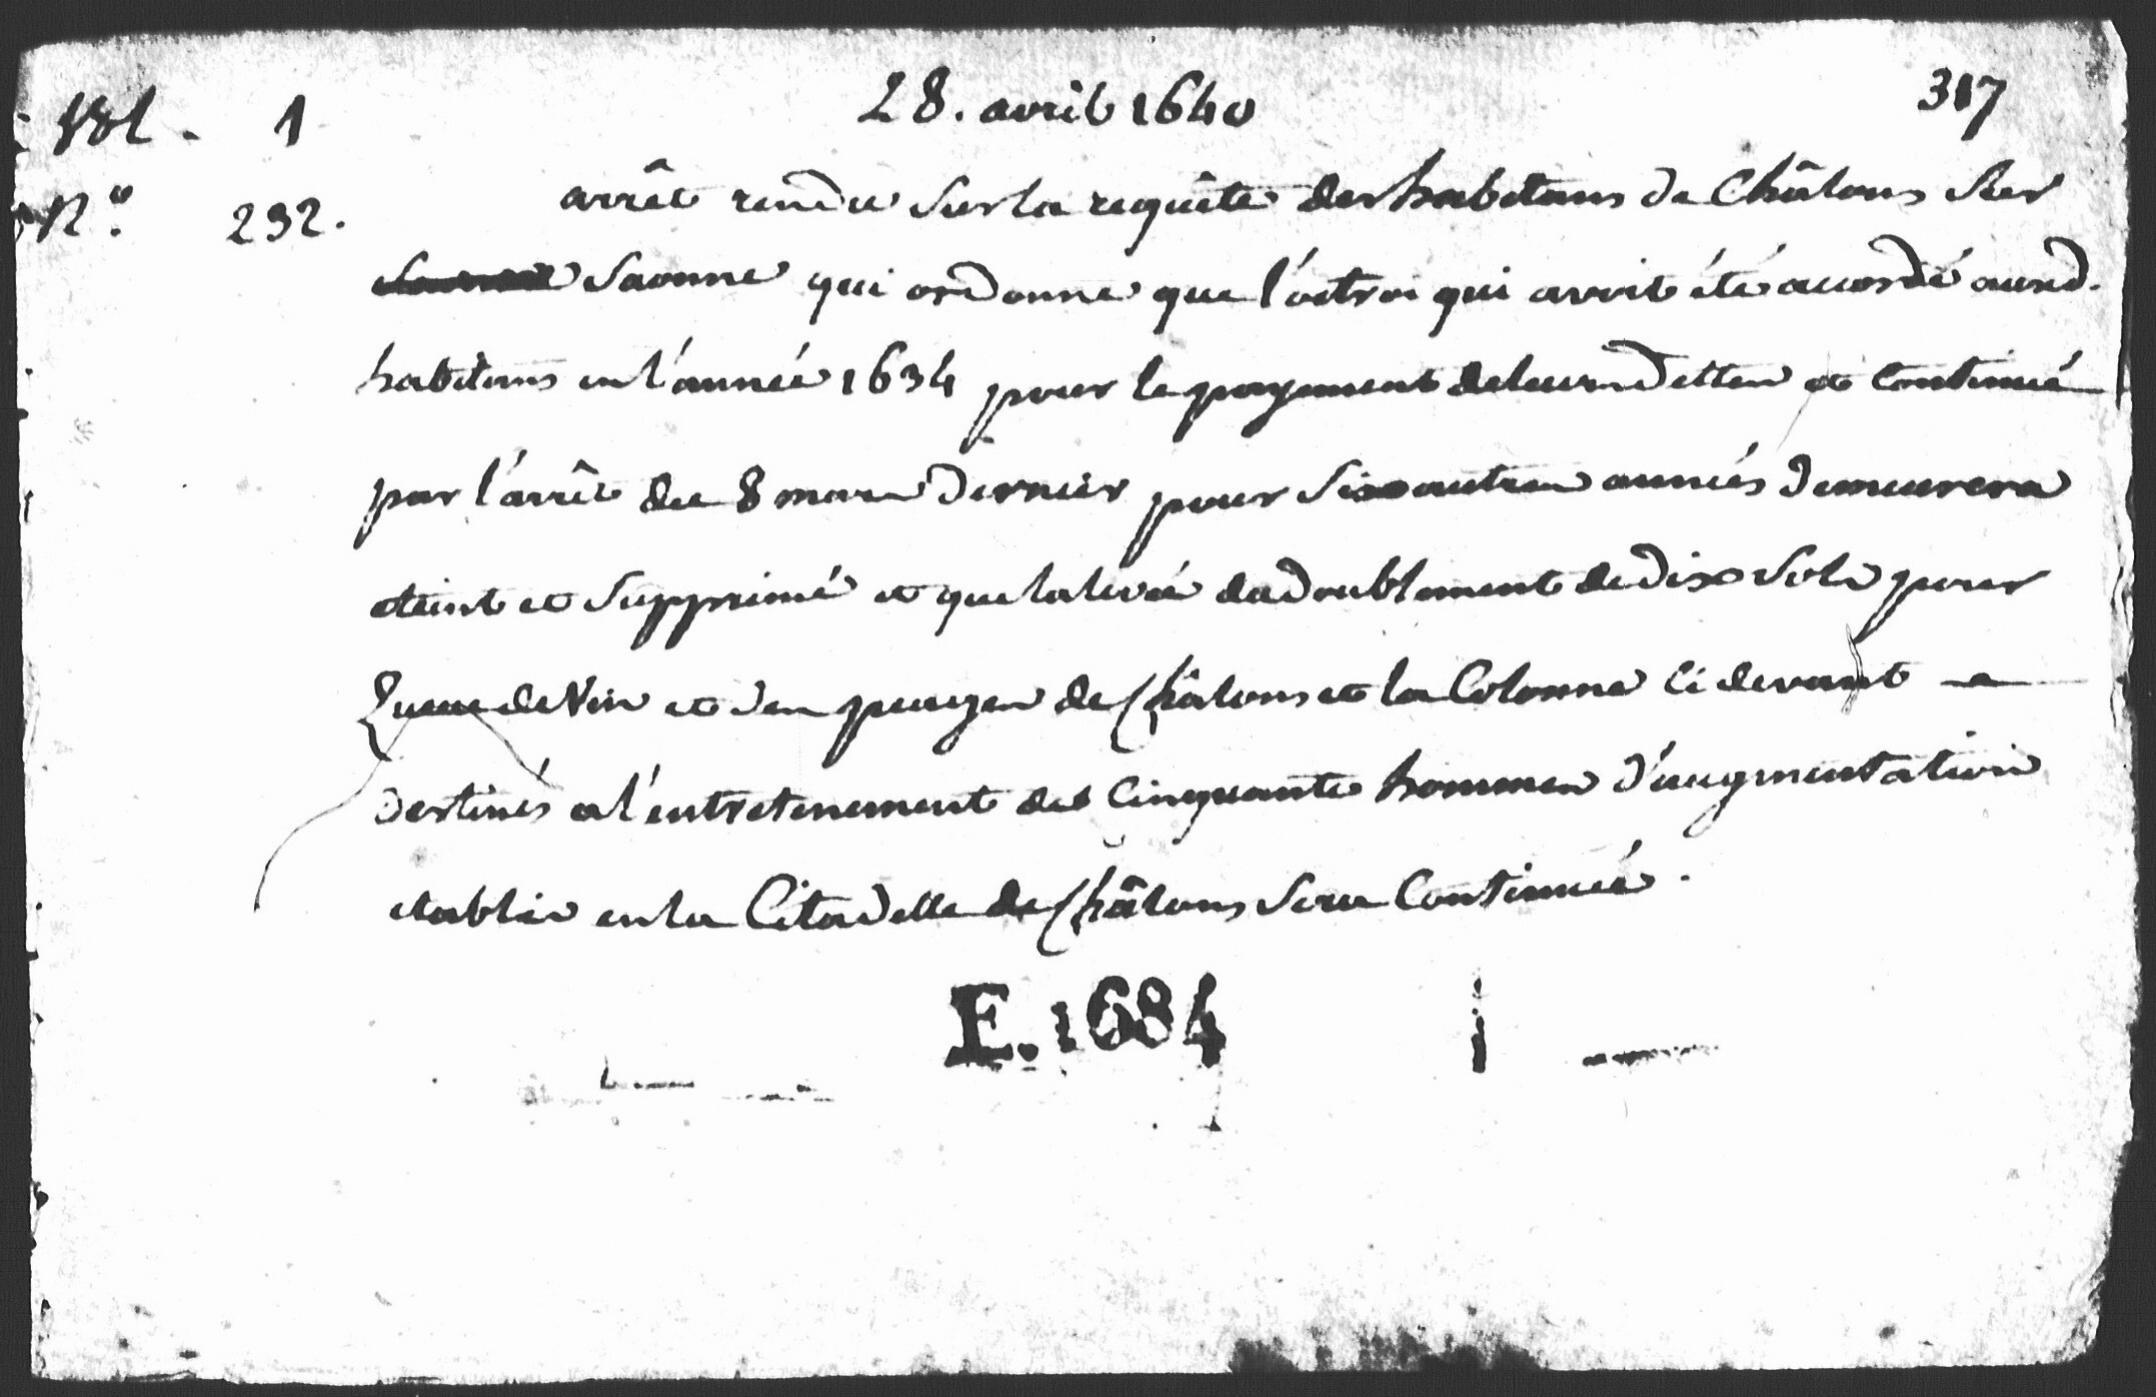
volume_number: n°232
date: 28 avril 1640
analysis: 317
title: arrêt rendu sur la requête des habitans de Châlons sur [mot barré] Saonne qui ordonne que l'octroi qui avoit été accordé auxd. habitans en l'année 1634 pour le payement de leurs dettes et continué par l'arrêt du 8 mars dernier pour six autres années demeurera eteint et supprimé et que la levée du doublement de dix sols pour queue de vin et des péages de Châlons et la Colonne ci devant destinés a l'entretenement des cinquante hommes d'augmentation établis en la Citadelle de Châlons sera continué
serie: E
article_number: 1684
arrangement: vol. 1
